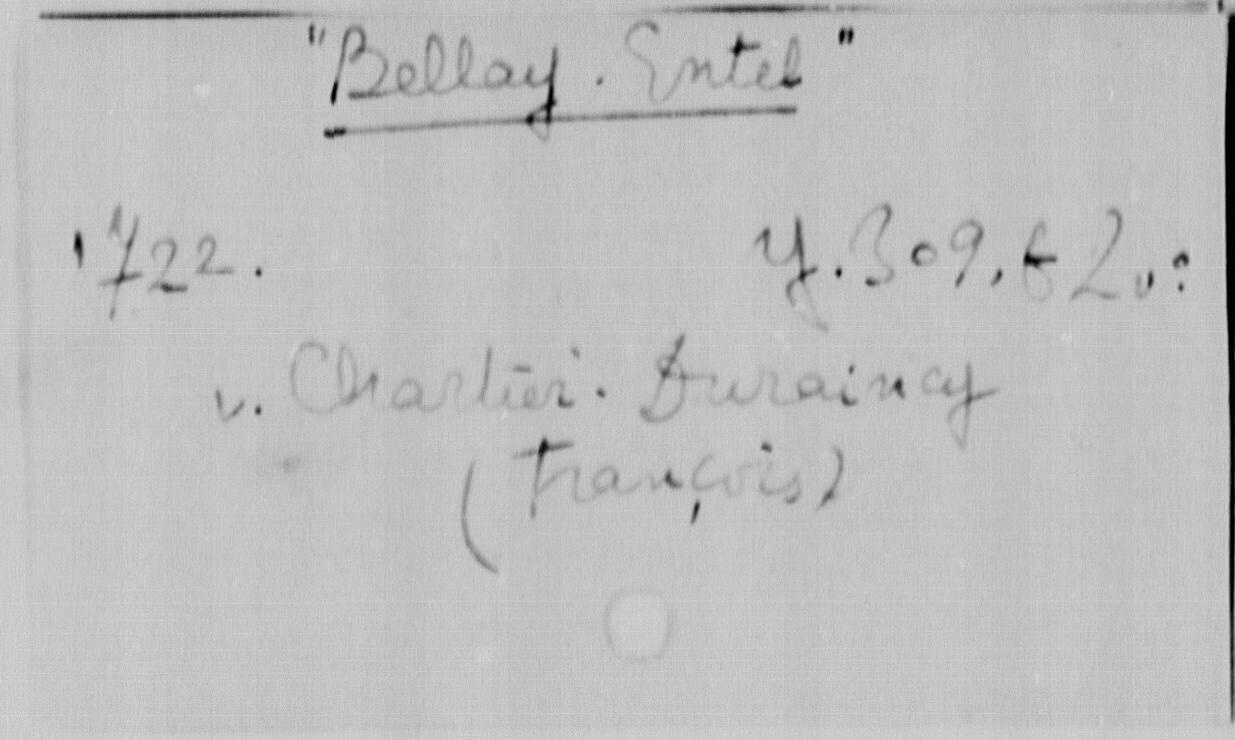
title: "Bellay Untel"
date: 1722
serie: Y
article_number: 309
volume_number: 62v
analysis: Voir CHARTIER DURAINCY (François)
